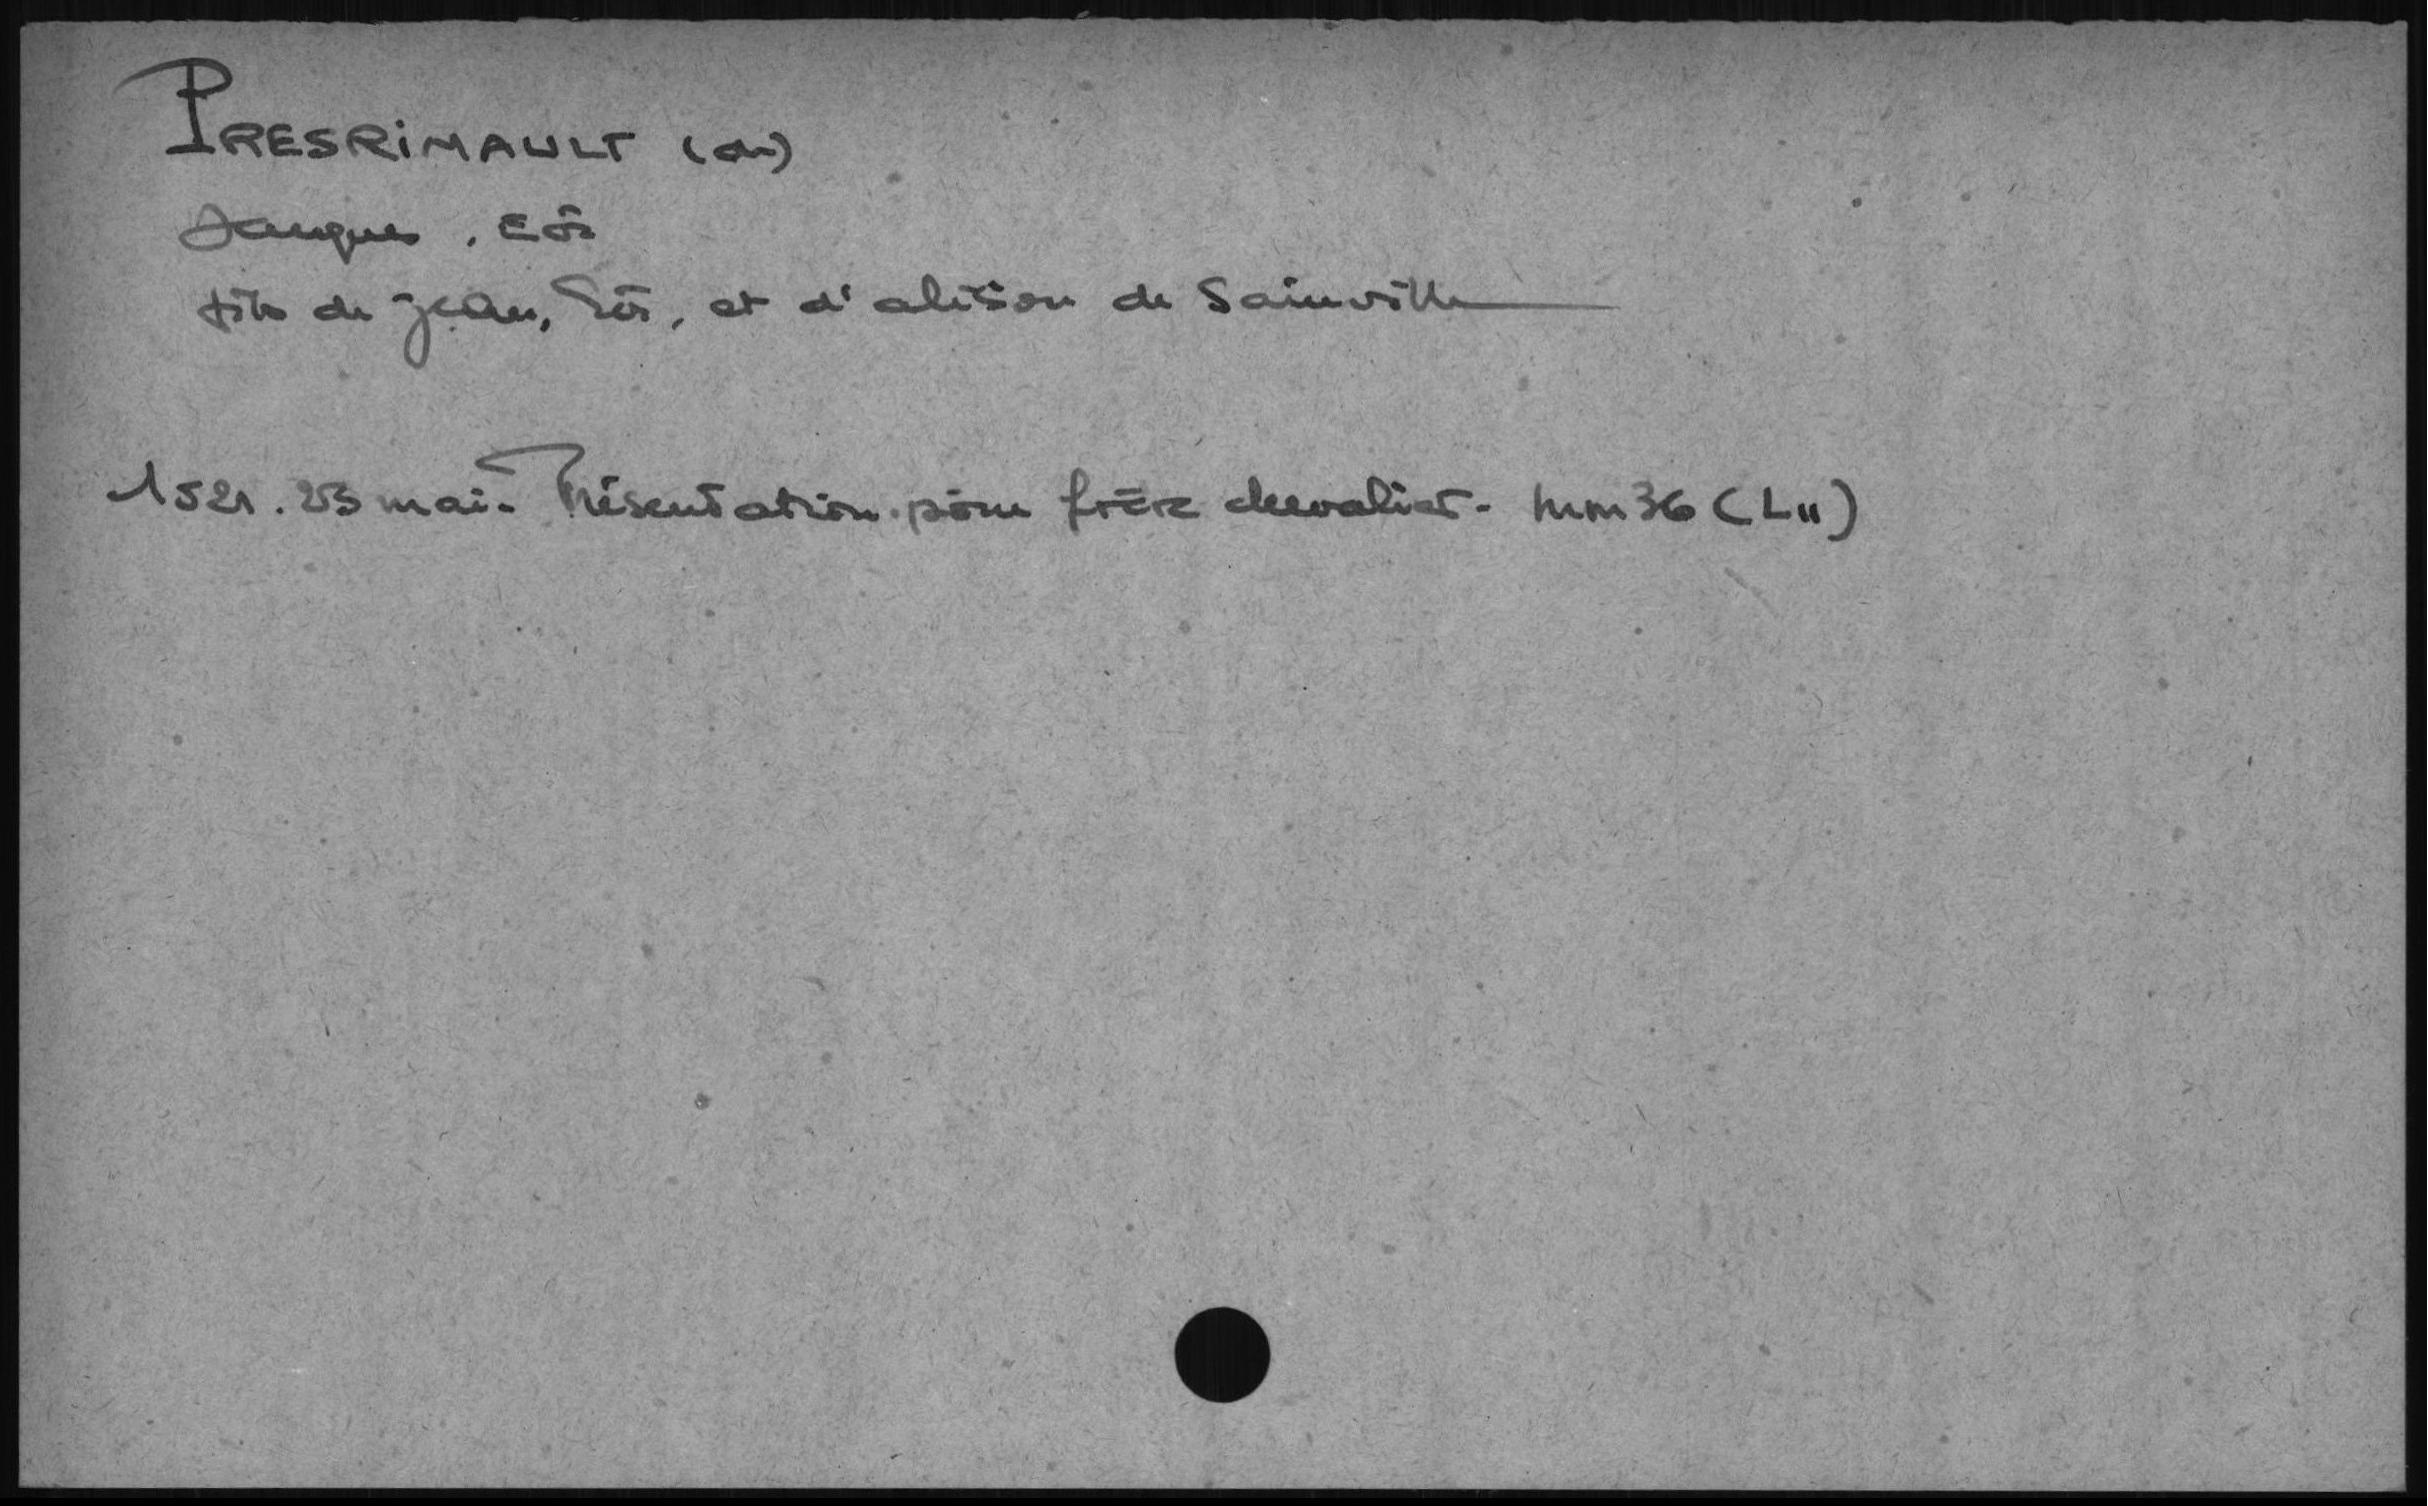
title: PRESRIMAULT (de) Jacques, écuyer fils de Jean, écuyer, et d'Alison de Sainville
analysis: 1523, 23 mai. Présentation pour frère chevalier. MM 36 (LII)
